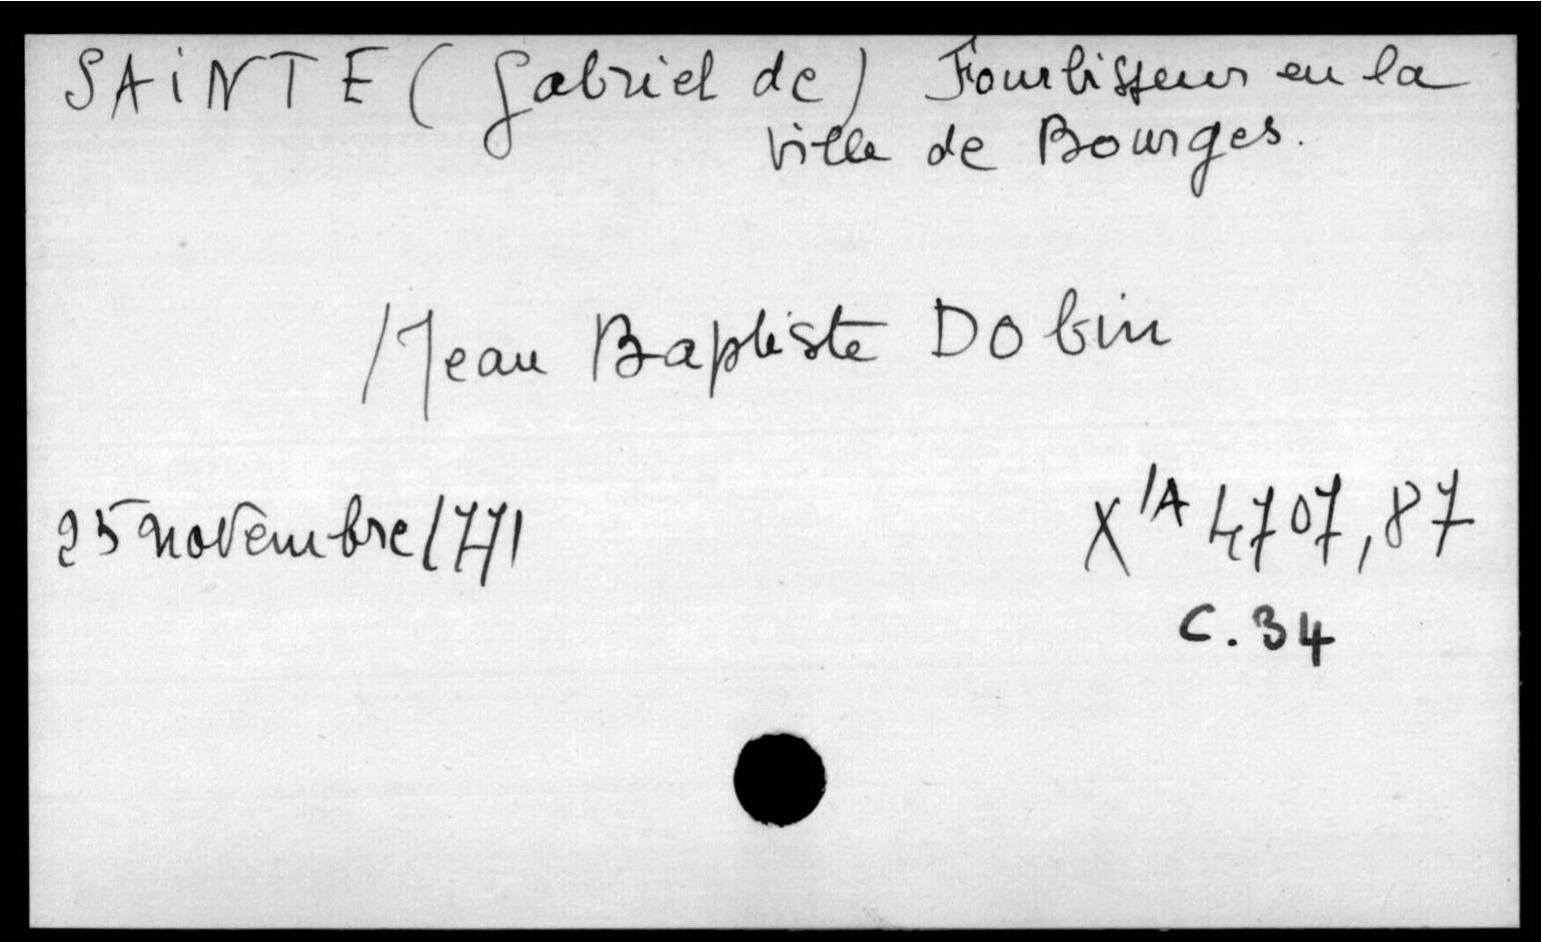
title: SAINTE (Gabriel de) Fourbisseur en la ville de Bourges.
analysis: Contre Jean Baptiste Dobin
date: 25 novembre 1771
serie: X1A
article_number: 4707
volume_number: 87 Conseil, 34
